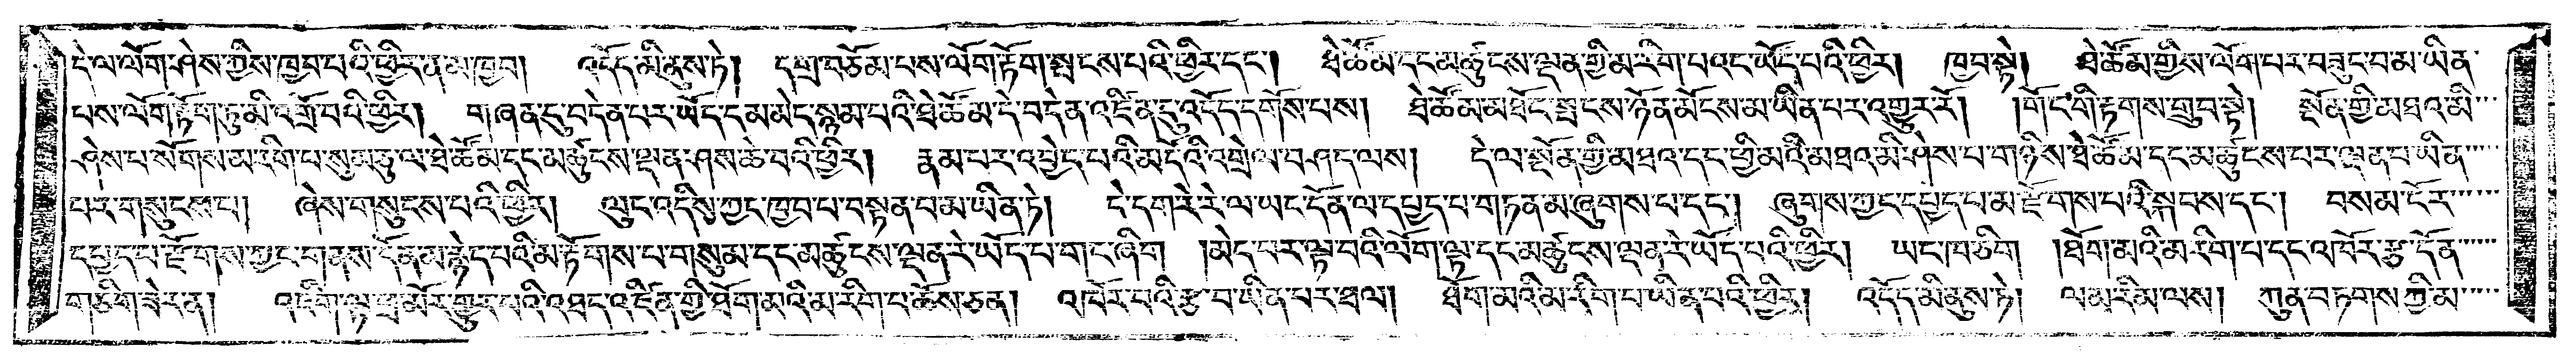དེ་ལ་ལོག་ཤེགས་ཀྱིས་ཁྱབ་པའི་ཕྱིར་ན་མ་ཁྱབ། འདོད་མི་ནུས་ཏེ། དགྲ་བཅོམ་པས་ལོག་རྟོག་སྤངས་པའི་ཕྱིར་དང་། ཐེ་ཚོམ་དང་མཚུངས་ལྡན་གྱི་མ་རིག་པའང་ཡོད་པའི་ཕྱིར། ཁྱབ་སྟེ། ཐེ་ཚོམ་གྱིས་ལེག་པར་བཟུང་པ་མ་ཡིན་
པས་ལོག་རྟོག་ཏུ་མི་འགྲོ་བའི་ཕྱིར། གཞན་དུ་བདེན་པར་ཡོད་དམ་མེད་སྙམ་པའི་ཐེ་ཚོམ་དེ་བདེན་འཛིན་དུ་འདོད་དགོས་པས། ཐེ་ཚོམ་མཐོང་སྤངས་ཉོན་མོངས་མ་ཡིན་པར་འགྱུར་རོ། །གོང་གི་རྟགས་གྲུབ་སྟེ། སྔོན་གྱི་མཐའ་མི་
ཤེས་པ་སོགས་མ་རིག་པ་སུམ་ཅུ་ལ་ཐེ་ཚོམ་དང་མཚུངས་ལྡན་ཤས་ཆེ་བའི་ཕྱིར། རྣམ་པར་འབྱེད་པའི་མདོའི་འགྲེལ་བཤད་ལས། དེ་ལ་སྔོན་གྱི་མཐའ་དང་ཕྱི་མའི་མཐའ་མི་ཤེས་པ་གཉིས་ཐེ་ཚོམ་དང་མཚུངས་པར་ལྡན་བ་ཡིན་
པར་གསུངས་པ། ཞེས་གསུངས་པའི་ཕྱིར། ལུང་འདིས་ཀྱང་ཁྱབ་པ་བསྟན་པ་མ་ཡིན་ཏེ། དེ་དག་རེ་རེ་ལ་ཡང་དོན་ལ་དཔྱད་པ་གཏན་མ་ཞུགས་པ་དང་། ཞུགས་ཀྱང་དཔྱད་པ་མ་རྫོགས་པའི་སྐབས་དང་། བསམ་ངོར་
དཔྱད་བ་རྫོགས་ཀྱང་གནས་དོན་མ་རྙེད་པའི་མ་རྟོགས་པ་གསུམ་དང་མཚུངས་ལྡན་རེ་ཡོད་པ་གང་ཞིག །མེད་པར་ལྟ་བའི་ལོག་ལྟ་དང་མཚུངས་ལྡན་རེ་ཡོད་པའི་ཕྱིར། ཡང་ཁ་ཅིག །ཐོག་མའི་མ་རིག་པ་དང་འཁོར་རྩ་དོན་
གཅིག་ཟེར་ན། འཇིག་ལྟ་ཕྲ་མོར་གྱུར་པའི་འཐད་འཛིན་གྱི་ཐོག་མའི་མ་རིག་པ་ཆོས་ཅན། འཁོར་བའི་རྩ་བ་ཡིན་པར་ཐལ། ཐོག་མའི་མ་རིག་པ་ཡིན་པའི་ཕྱིར། འདོད་མི་ནུས་ཏེ། ལམ་རིམ་ལས། །ཀུན་བཏགས་ཀྱི་མ་